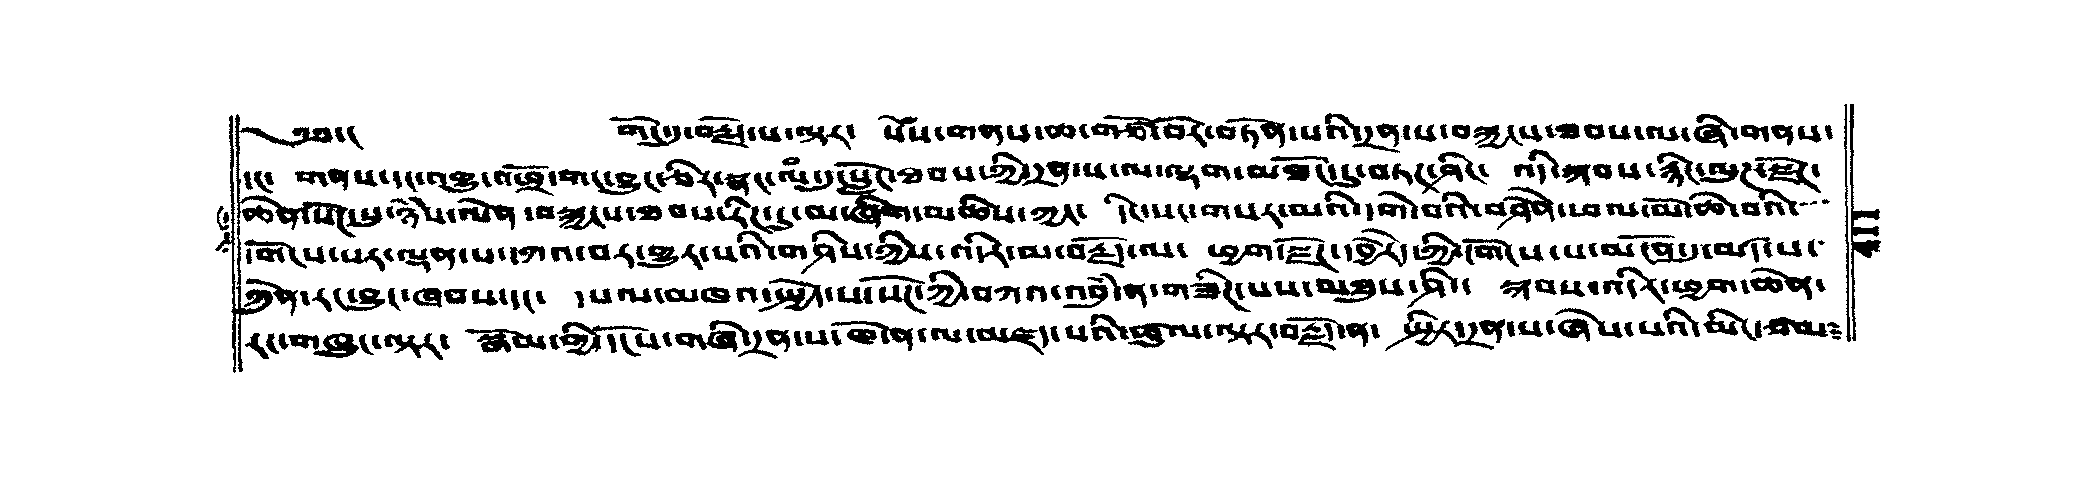གོང་དུ་བརྗོད་ལྟར། སེམས་གནས་ཆ་གཙོ་བོར་བཏོན་པའི་དྲན་པ་བརྐྱངས་ཐབས་ལ་ཞི་གནས་
དང་། གནས་དང་འགྱུ་འཕྲོ་གག་བྱུང་ཅིར་སྣང་ལམ་དུ་སློང་ཐབས་ཀྱི་དྲན་པ་ལ་ལྷག་མཐོང་དུ་བཏགས་ཤིང་། འདི་ཐབས་རྙིང་ལུགས་རྫོགས་
ཆེན་སོགས་སུ་ཉམས་ལེན་བསྐྱངས་ཐབས་རིང་དུ་མ་ཞིག་མཆིས་ཀྱང་། དིང་སང་གསར་མའི་དགེ་བའི་བཤེས་གཉེན་ཕལ་མོ་ཆེ་བའི་
དགོངས་པར་ལྡན་པ་དཀའ་བར་གྱུར་པའི་གཤིས་ཀྱིས་འདིར་མ་བརྗོད་ལ། ཕྱག་རྫོགས་དབྱེར་མེད་ཀྱི་དགོངས་པ་མངོན་དུ་མཛད་པ་
ཀུན་མཁྱེན་རང་བྱུང་ཞབས་དང་། དཔལ་མཁའ་སྤྱོད་པ་སོགས་ཀྱི་བཀའ་འབུམ་ན་གཟིགས་པས་མཐུས་ཤིང་། སྐབས་འདིར་ཕྱག་ཆེན་
རང་གཞུང་ལྟར། སྒོམ་གྱི་དངོས་གཞི་དྲན་པ་ཁོ་ན་ལ་མཛད་པའི་ཚུལ་ལྟར་བརྗོད་ན། སྤྱིར་དྲན་པ་ཞེས་པའི་མིང་ཙམ་